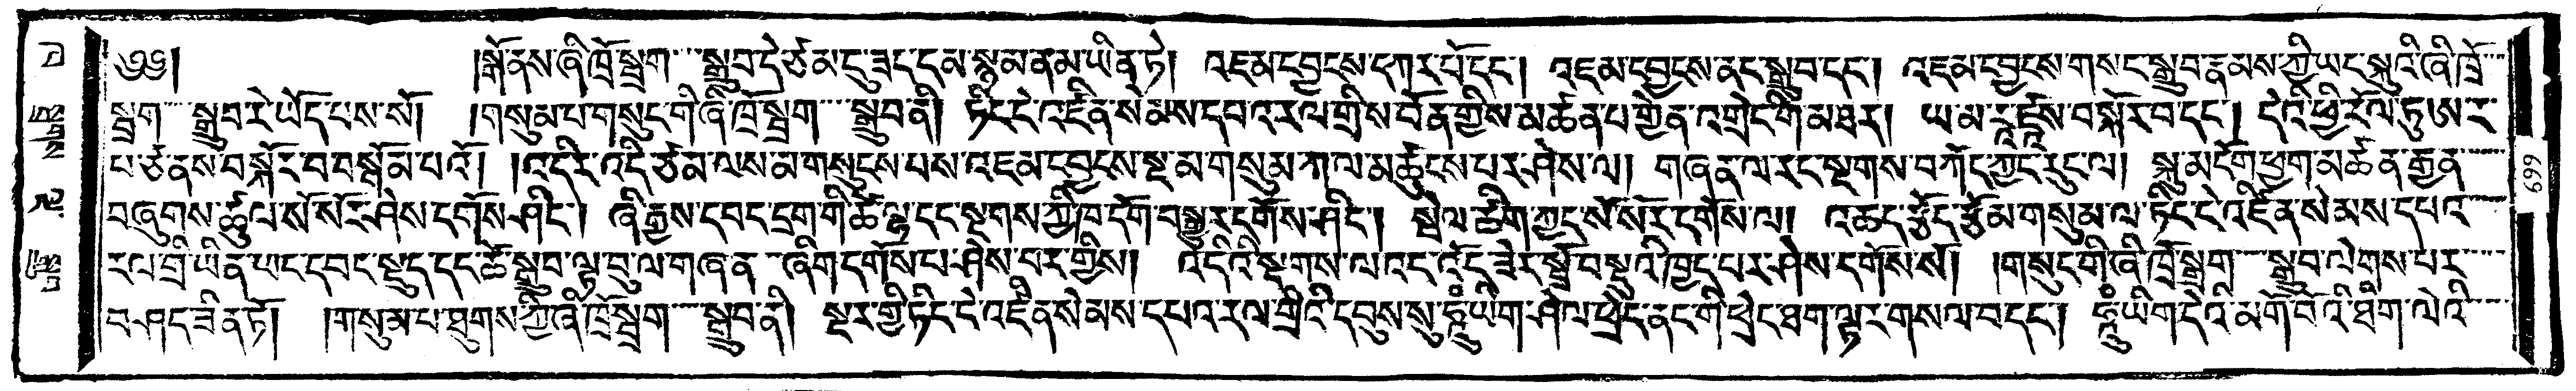༄༅། །སྒོ་ནས་ཞི་ཁྲོ་སྦྲག་སྒྲུབ་དེ་ཙམ་དུ་ཟད་དམ་སྙམ་ནམ་ཡིན་ཏེ། འཇམ་དབྱངས་དཀར་པོ་དང་། འཇམ་དབྱངས་ནང་སྒྲུབ་དང་། འཇམ་དབྱངས་གསང་སྒྲུབ་རྣམས་ཀྱི་ཡང་སྐུའི་ཞི་ཁྲོ་
སྦྲག་སྒྲུབ་རེ་ཡོད་པས་སོ། །གསུམ་པ་གསུང་གི་ཞི་ཁྲོ་སྦྲག་སྒྲུབ་ནི། ཏིང་ངེ་འཛིན་སེམས་དཔའ་རལ་གྲི་ས་བོན་གྱིས་མཚན་པ་གྱེན་འགྲེང་གི་མཐར། ཡ་མ་རཱ་ཛཱས་བསྐོར་བ་དང་། དེའི་ཕྱི་རོལ་ཏུ་ཨ་ར་
པ་ཙ་ནས་བསྐོར་བ་བསྒོམ་པའོ། །འདིར་འདི་ཙམ་ལས་མ་གསུངས་པས་འཇམ་དབྱངས་སྔ་མ་གསུམ་ཀ་ལ་མཚུངས་པར་ཤེས་ལ། གཞན་ལ་རང་སྔགས་བཀོད་ཀྱང་རུང་ལ། སྐུ་མདོག་ཕྱག་མཚན་རྒྱན་
བཞུགས་ཚུལ་སོ་སོར་ཤེས་དགོས་ཤིང་། ཞི་རྒྱས་དབང་དྲག་གི་ཚེ་ལྷ་དང་སྔགས་ཀྱི་ཁ་དོག་བསྒྱུར་དགོས་ཤིང་། སྤེལ་ཚིག་ཀྱང་སོ་སོར་དགོས་ལ། འཆད་རྩོད་རྩོམ་གསུམ་ལ་ཏིང་ངེ་འཛིན་སེམས་དཔའ་
རལ་གྲི་ཡིན་ཡང་དབང་སྡུད་དང་ཚེ་སྒྲུབ་ལྟ་བུ་ལ་གཞན་ཞིག་དགོས་པ་ཤེས་པར་གྱིས། འདིའི་སྔགས་ལའང་འོད་ཟེར་སྤྲོ་བསྡུའི་ཁྱད་པར་ཤེས་དགོས་སོ། །གསུང་གི་ཞི་ཁྲོ་སྒྲག་སྒྲུབ་ལེགས་པར་
བཤད་ཟིན་ཏོ། །གསུམ་པ་ཐུགས་ཀྱི་ཞི་ཁྲོ་སྦྲག་སྒྲུབ་ནི། སྔར་གྱི་ཏིང་ངེ་འཛིན་སེམས་དཔའ་རལ་གྲིའི་དབུས་སུ་ཧཱུཾ་ཡིག་ཤེལ་ཕྲེང་ནང་གི་ཕྲེང་ཐག་ལྟར་གསལ་བ་དང་། ཧཱུཾ་ཡིག་དེའི་མགོ་བོའི་ཐིག་ལེའི་